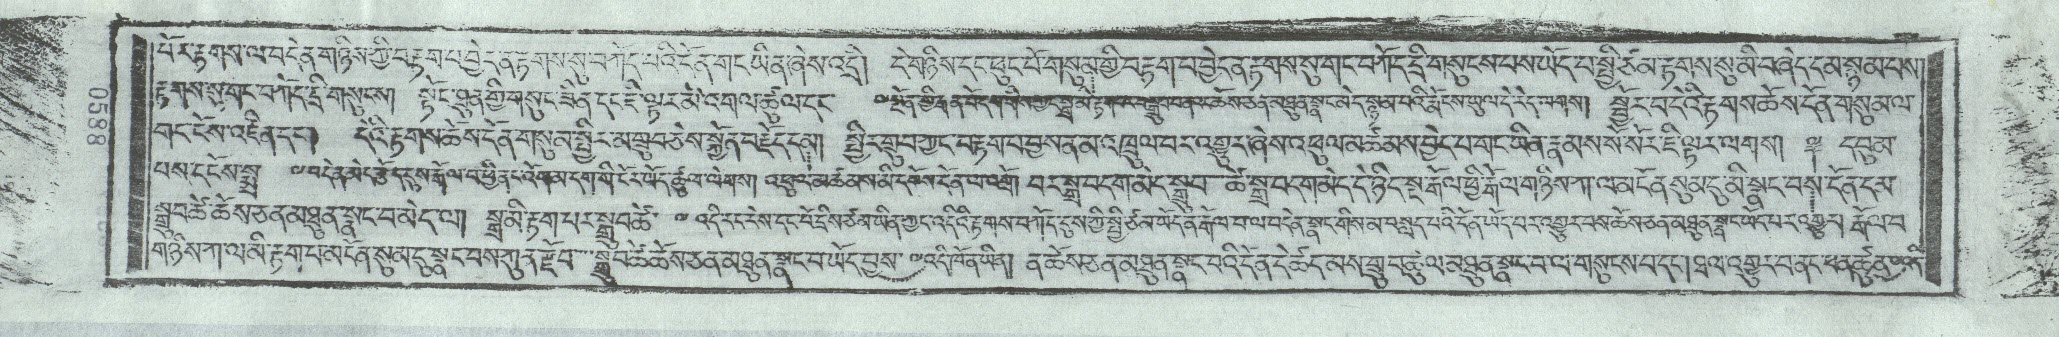པོར་རྟགས་ལ་བདེན་གཉིས་ཀྱི་བརྟག་པ་བྱེད་ན་རྟགས་སུ་བཀོད་པའི་དོན་གང་ཡིན་ཞེས་འདྲི། དེ་གཉིས་དང་ཕུང་པོ་གསུམ་གྱི་བརྟག་པ་བྱེད་ན་རྟགས་སུ་གང་བཀོད་དྲི་གསུངས་པས་ཡོད་པ་སྤྱི་ཙམ་རྟགས་སུ་མི་བཞེད་དམ་སྙམ་པས་
རྟགས་སུ་གང་བཀོད་དྲི་གསུངས། སྟོང་ཐུན་གྱི་གསུང་ཟིན་དང་ཇི་ལྟར་མི་འགལ་ཚུལ་དང་༧སྔོན་གྱི་རྒན་པོ་དག་གིས་ཀྱང་སྒྲ་མི་རྟག་པར་བསྒྲུབ་པ་ནའང་ཆོས་ཅན་མཐུན་སྣང་མེད་སྙམ་པའི་རྨོངས་ཡུལ་དེ་རེད་ལགས།  སྦྱོར་བ་དེའི་རྟགས་ཆོས་དོན་གསུམ་ལ་
གང་ངོས་འཛིན་དང་། དེའི་རྟགས་ཆོས་དོན་གསུམ་སྤྱིར་མ་གྲུབ་ཅེས་སྐྱོན་བརྗོད་དམ། སྤྱིར་གྲུབ་ཀྱང་བརྟག་པ་བྱས་ནམ་འཁྲུལ་བར་འགྱུར་ཞེས་འཕུལ་མཚམས་བྱེད་པ་གང་ཡིན་རྣམས་སོ་སོར་ཇི་ལྟར་ལགས། ༈ དབུ་མ་
པས་དངོས་སྨྲ་༧བདེན་མེད་རྩོད་དུས་རྒོལ་བ་ཕྱི་ནང་འོག་མ་དག་གི་ངོར་ཡོད་ཚུལ་ལེགས། འཕུལ་མཚམས་མི་དགོས་དོན་ལ་འགྲོ།  བར་སྒྲ་བདག་མེད་སྒྲུབ་ཚེ་སྒྲ་བདག་མེད་དེ་ཉིད་སྔ་རྒོལ་ཕྱི་རྒོལ་གཉིས་ཀ་ལ་མངོན་སུམ་དུ་མི་སྣང་བས་དོན་དམ་
སྒྲུབ་ཚེ་ཆོས་ཅན་མཐུན་སྣང་བ་མེད་ལ། སྒྲ་མི་རྟག་པར་སྒྲུབ་ཚེ་༧འདི་རང་རེས་དང་པོ་དྲིས་ཙམ་ཡིན་ཀྱང་འདིའི་རྟགས་བཀོད་དུས་ཀྱི་སྤྱི་ཙམ་ཡོད་ན་རྒོལ་བ་ལ་བདེན་སྣང་གིས་མ་བསླད་པའི་དོན་ཡོད་པར་འགྱུར་བས་ཆོས་ཅན་མཐུན་སྣང་ཡོད་པར་འགྱུར།  རྒོལ་བ་
གཉིས་ཀ་ལ་མི་རྟག་པ་མངོན་སུམ་དུ་སྣང་བས་ཀུན་རྫོབ་སྒྲུབ་ཚེ་ཆོས་ཅན་མཐུན་སྣང་བ་ཡོད་བྱས་༧འདི་ཁོ་ན་ཡིན།  ན་ཆོས་ཅན་མཐུན་སྣང་བའི་དོན་དེ་ཚད་མས་གྲུབ་ཚུལ་མཐུན་སྣང་བ་ལ་གསུངས་པ་དང་། ཐལ་འགྱུར་བ་ནང་ཕན་ཚུན་༧འདི་